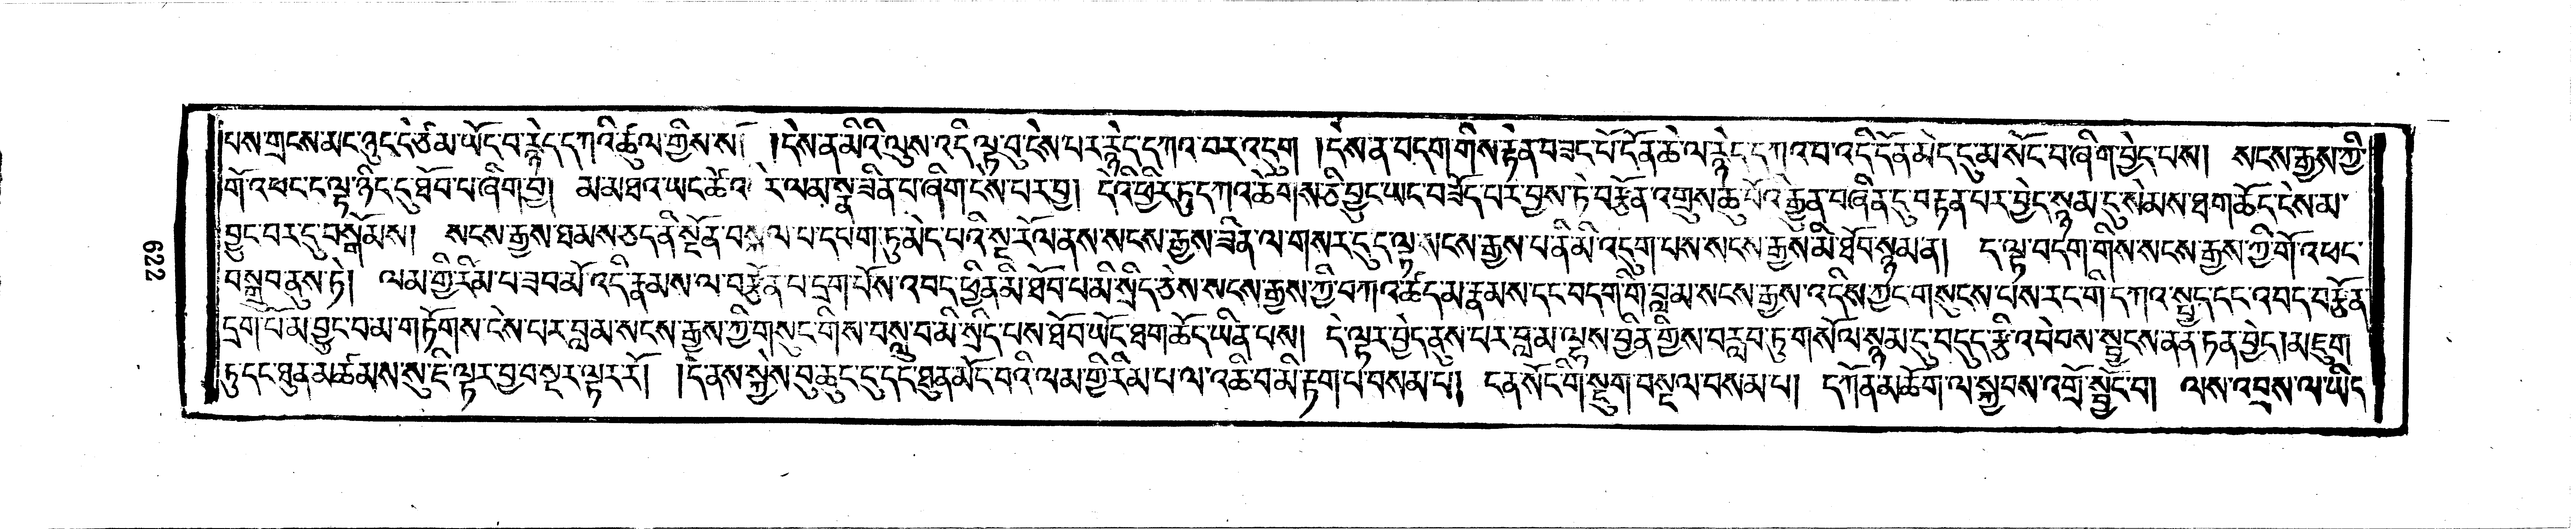པས་གྲངས་མང་ཉུང་དེ་ཙམ་ཡོད་བ་རྙེད་དཀའི་ཚུལ་གྱིས་སོ། །དེས་ན་མིའི་ལུས་འདི་ལྟ་བུ་ངེས་པར་རྙེད་དཀའ་བར་འདུག །དེས་ན་བདག་གིས་རྟེན་བཟང་པོ་དོན་ཆེ་ལ་རྙེད་དཀའ་བ་འདི་དོན་མེད་དུ་མ་སོང་བ་ཞིག་བྱེད་པས། སངས་རྒྱས་ཀྱི་
གོ་འཕང་ང་ལྟ་ཉིད་དུ་ཐོབ་པ་ཞིག་བྱ། མ་མཐའ་ཡང་ཚེ་འདིར་ལམ་སྣ་ཟིན་པ་ཞིག་ངེས་པར་བྱ། དེའི་ཕྱིར་ཏུ་དཀའ་ཚོགས་ཅི་བྱུང་ཡང་བཟོད་པར་བྱས་ཏེ་བརྩོན་འགྲུས་ཆུ་བོའི་རྒྱུན་བཞིན་དུ་བརྟན་པར་བྱེད་སྙམ་དུ་སེམས་ཐག་ཆོད་ངེས་མ་
བྱུང་བར་དུ་བསྒོམས། སངས་རྒྱས་ཐམས་ཅད་ནི་སྔོན་བསྐལ་བ་དཔག་ཏུ་མེད་པའི་སྔ་རོལ་ནས་སངས་རྒྱས་ཟིན་ལ་གསར་དུ་ད་ལྟ་སངས་རྒྱས་པ་ནི་མི་འདུག་པས་སངས་རྒྱས་མི་ཐོབ་སྙམ་ན། ད་ལྟ་བདག་གིས་སངས་རྒྱས་ཀྱི་གོ་འཕང་
བསྒྲུབ་ནུས་ཏེ། ལམ་གྱི་རིམ་པ་ཟབ་མོ་འདི་རྣམས་ལ་བརྩོན་པ་དྲག་པོས་འབད་ཕྱིན་མི་ཐོབ་པ་མི་སྲིད་ཅེས་སངས་རྒྱས་ཀྱི་བཀའ་ཚད་མ་རྣམས་དང་བདག་གི་བླ་མ་སངས་རྒྱས་འདིས་ཀྱང་གསུངས་པས་རང་གི་དཀའ་སྤྱད་དང་འབད་བརྩོན་
དྲག་པོ་མ་བྱུང་བ་མ་གཏོགས་ངེས་པར་བླ་མ་སངས་རྒྱས་ཀྱི་གསུང་གིས་བསླུ་བ་མི་སྲིད་པས་ཐོབ་ཡོང་ཐག་ཆོད་ཡིན་པས། དེ་ལྟར་བྱེད་ནུས་པར་བླ་མ་ལྷས་བྱིན་གྱིས་བརླབ་ཏུ་གསོལ་སྙམ་དུ་བདུད་རྩི་འབེབས་སྦྱངས་ནན་ཏན་བྱེད། མཇུག་
ཏུ་དང་ཐུན་མཚམས་སུ་ཇི་ལྟར་བྱ་བ་སྔར་ལྟར་རོ། །དེ་ནས་སྐྱེས་བུ་ཆུང་དུ་དང་ཐུན་མོང་བའི་ལམ་གྱི་རིམ་པ་ལ་འཆི་བ་མི་རྟག་པ་བསམ་པ། ངན་སོང་གི་སྡུག་བསྔལ་བསམ་པ། དཀོན་མཆོག་ལ་སྐྱབས་འགྲོ་སྦྱོང་བ། ལས་འབྲས་ལ་ཡིད་